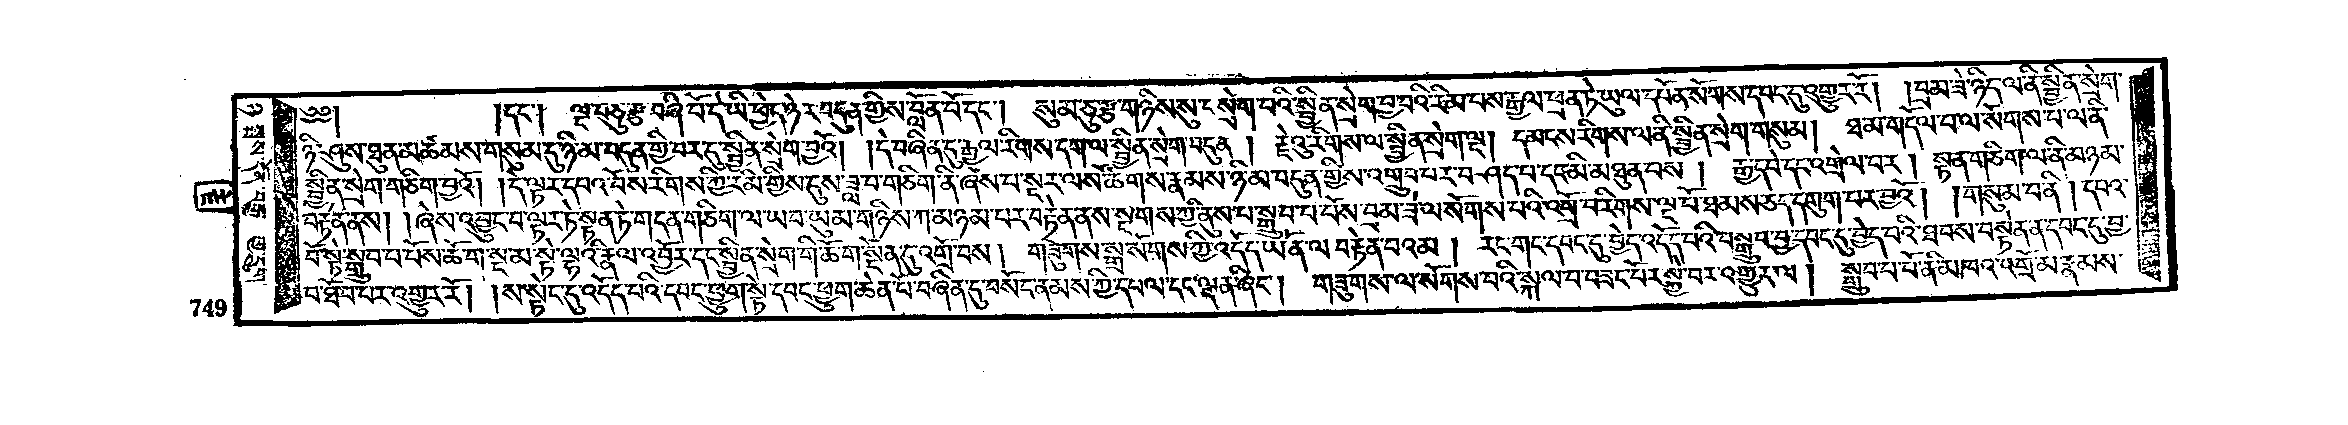༄༅། །དང་། ལྔ་བཅུ་རྩ་བཞི་པོ་དེ་ཡི་ཕྱེད་ཉེར་བདུན་གྱིས་བློན་པོ་དང་། སུམ་ཅུ་རྩ་གཉིས་སུ་བསྲེག་པའི་སྦྱིན་སྲེག་བྱ་བའི་རིམ་པས་རྒྱལ་ཕྲན་ཏེ་ཡུལ་དཔོན་སོགས་དབང་དུ་འགྱུར་རོ། །བྲམ་ཟེ་ཉིད་ལ་ནི་སྦྱིན་སྲེག་
ཉི་ཤུས་ཐུན་མཚམས་གསུམ་དུ་ཉི་མ་བདུན་གྱི་བར་དུ་སྦྱིན་སྲེག་བྱའོ། །དེ་བཞིན་དུ་རྒྱལ་རིགས་དག་ལ་སྦྱིན་སྲེག་བདུན། རྗེའུ་རིགས་ལ་སྦྱིན་སྲེག་ལྔ། དམངས་རིགས་ལ་ནི་སྦྱིན་སྲེག་གསུམ། ཐ་མ་གདོལ་པ་ལ་སོགས་པ་ལ་ནི་
སྦྱིན་སྲེག་གཅིག་བྱའོ། །དེ་ལྟར་དཔའ་བོས་རིགས་ཀྱི་རིམ་གྱིས་དུས་ཟླ་བ་གཅིག་ནི་ཞེས་པ་སྔར་ལས་ཚོགས་རྣམས་ཉི་མ་བདུན་གྱིས་འགྲུབ་པར་བཤད་པ་དང་མི་མཐུན་པས། རྒྱ་དཔེ་དང་འགྲེལ་པར། སྟན་གཅིག་ལ་ནི་མཉམ་
བརྟེན་ནས། །ཞེས་འབྱུང་བ་ལྟར་ཏེ་སྟན་ཏེ་གདན་གཅིག་ལ་ཡབ་ཡུམ་གཉིས་ཀ་མཉམ་པར་བརྟེན་ནས་སྔགས་ཀྱི་ནུས་པ་སྒྲུབ་པ་པོས་བྲམ་ཟེ་ལ་སོགས་པའི་འགྲོ་བ་རིགས་ལྔ་པོ་ཐམས་ཅད་དགུག་པར་བྱའོ། །གསུམ་པ་ནི། དཔའ་
བོ་སྟེ་སྒྲུབ་པ་པོས་ཆོ་ག་སྔ་མ་སྟེ་ལྷའི་རྣལ་འབྱོར་དང་སྦྱིན་སྲེག་གི་ཆོ་ག་སྔོན་དུ་འགྲོ་བས། གཟུགས་སྒྲ་སོགས་ཀྱི་འདོད་ཡོན་ལ་བརྟེན་པའམ། རང་གང་དབང་དུ་བྱེད་འདོད་པའི་བསྒྲུབ་བྱ་དབང་དུ་བྱེད་པའི་ཐབས་བསྟེན་ན་དབང་དུ་བྱ་
བ་ཐོབ་པར་འགྱུར་རོ། །ས་སྟེང་དུ་འདོད་པའི་དབང་ཕྱུག་སྟེ་དབང་ཕྱུག་ཆེན་པོ་བཞིན་དུ་བསོད་ནམས་ཀྱི་དཔལ་དང་ལྡན་ཞིང་། གཟུགས་ལ་སོགས་པའི་སྐལ་བ་བཟང་པོར་སྐྱེ་བར་འགྱུར་ལ། སྒྲུབ་པ་པོ་ནི་མཁའ་འགྲོ་མ་རྣམས་